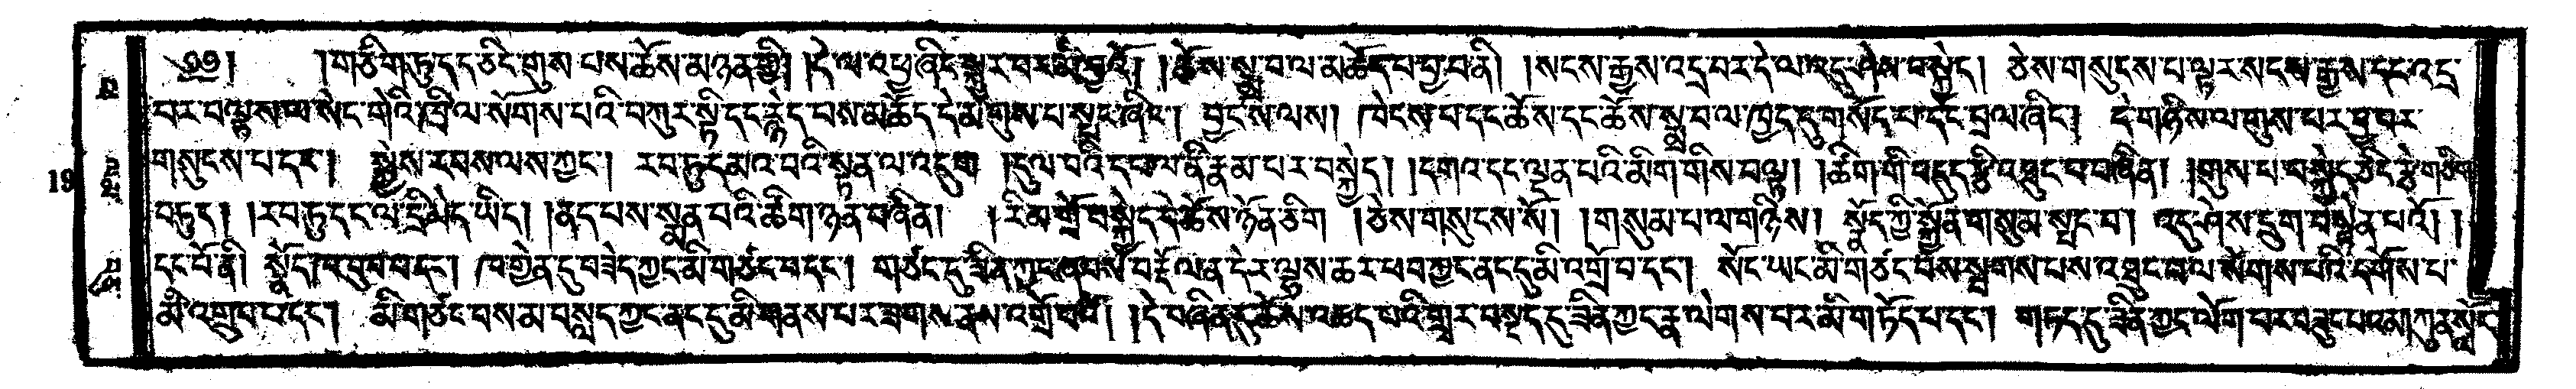༄༅། །གཅིག་ཏུ་དད་ཅིང་གུས་པས་ཆོས་མཉན་གྱི། །དེ་ལ་འཕྱ་ཞིང་སྐུར་བར་མི་བྱའོ། །ཆོས་སྨྲ་བ་ལ་མཆོད་པ་བྱ་བ་ནི། །སངས་རྒྱས་འདྲ་བར་དེ་ལ་འདུ་ཤེས་བསྐྱེད། ཅེས་གསུངས་པ་ལྟར་སངས་རྒྱས་དང་འདྲ་
བར་བལྟས་ལ་སེང་གེའི་ཁྲི་ལ་སོགས་པའི་བཀུར་སྟི་དང་རྙེད་པས་མཆོད་དེ་མ་གུས་པ་སྤང་ཞིང་། བྱང་ས་ལས། ཁེངས་པ་དང་ཆོས་དང་ཆོས་སྨྲ་བ་ལ་ཁྱད་དུ་གསོད་པ་དང་བྲལ་ཞིང་། དེ་གཉིས་ལ་གུས་པར་བྱ་བར་
གསུངས་པ་དང་། སྐྱེས་རབས་ལས་ཀྱང་། རབ་ཏུ་དམའ་བའི་སྟན་ལ་འདུག །དུལ་བའི་དཔལ་ནི་རྣམ་པར་བསྐྱེད། །དགའ་དང་ལྡན་པའི་མིག་གིས་བལྟ། །ཚིག་གི་བདུད་རྩི་འཐུང་བ་བཞིན། །གུས་པ་བསྐྱེད་ཅིང་རྩེ་གཅིག་
བཏུད། །རབ་ཏུ་དང་ལ་དྲི་མེད་ཡིད། །ནད་པས་སྨན་པའི་ཚིག་ཉན་བཞིན། །རིམ་གྲོ་བསྐྱེད་དེ་ཆོས་ཉོན་ཅིག །ཅེས་གསུངས་སོ། །གསུམ་པ་ལ་གཉིས། སྣོད་ཀྱི་སྐྱོན་གསུམ་སྤང་བ། འདུ་ཤེས་དྲུག་བསྟེན་པའོ།།
དང་པོ་ནི། སྣོད་ཁ་བུབ་པ་དང་། ཁ་གྱེན་དུ་བཟེད་ཀྱང་མི་གཙང་བ་དང་། གཙང་དུ་ཟིན་ཀྱང་ཞབས་བརྡོ་ལན་དེར་ལྟས་ཆར་ཕབ་ཀྱང་ནང་དུ་མི་འགྲོ་བ་དང་། སོང་ཡང་མི་གཙང་བས་སྦགས་པས་འཐུང་བ་ལ་སོགས་པའི་དགོས་པ་
མི་འགྲུབ་པ་དང་། མི་གཙང་བས་མ་བསླད་ཀྱང་ནང་དུ་མི་གནས་པར་ཟགས་ནས་འགྲོ་བའོ། །དེ་བཞིན་དུ་ཆོས་འཆད་པའི་གྲྭར་བསྡད་དུ་ཟིན་ཀྱང་རྣ་ལེགས་པར་མི་གཏོད་པ་དང་། གཏད་དུ་ཟིན་ཀྱང་ལོག་པར་བཟུང་པའམ། ཀུན་སློང་